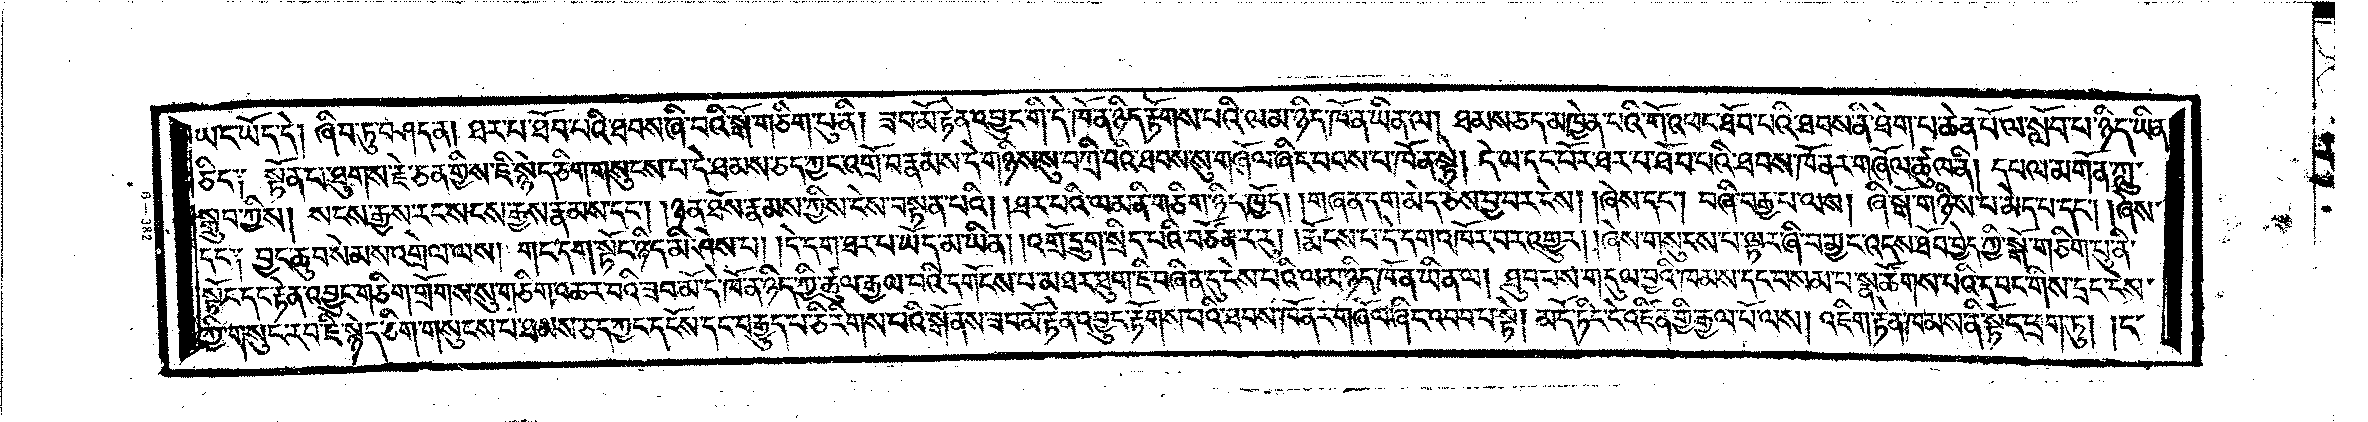ཡང་ཡོད་དེ། ཞིབ་ཏུ་བཤད་ན། ཐར་པ་ཐོབ་པའི་ཐབས་ཞི་བའི་སྒོ་གཅིག་པུ་ནི། ཟབ་མོ་རྟེན་འབྱུང་གི་དེ་ཁོ་ན་ཉིད་རྟོགས་པའི་ལམ་ཉིད་ཁོ་ན་ཡིན་ལ། ཐམས་ཅད་མཁྱེན་པའི་གོ་འཕང་ཐོབ་པའི་ཐབས་ནི་ཐེག་པ་ཆེན་པོ་ལ་སློབ་པ་ཉིད་ཡིན་
ཅིང༑ སྟོན་པ་ཐུགས་རྗེ་ཅན་གྱིས་ཇི་སྙེད་ཅིག་གསུངས་པ་དེ་ཐམས་ཅད་ཀྱང་འགྲོ་བ་རྣམས་དེ་གཉིས་སུ་བཀྲི་བའི་ཐབས་སུ་གཞོལ་ཞིང་བབས་པ་ཁོ་ན་སྟེ། དེ་ལ་དང་པོར་ཐར་པ་ཐོབ་པའི་ཐབས་ཁོ་ནར་གཞོལ་ཚུལ་ནི། དཔལ་མགོན་ཀླུ་
སྒྲུབ་ཀྱིས། སངས་རྒྱས་རང་སངས་རྒྱས་རྣམས་དང་། །ཉན་ཐོས་རྣམས་ཀྱིས་ངེས་བསྟན་པའི། །ཐར་པའི་ལམ་ནི་གཅིག་ཉིད་ཁྱོད། །གཞན་དག་མེད་ཅེས་བྱ་བར་ངེས། །ཞེས་དང་། བཞི་བརྒྱ་པ་ལས། ཞི་སྒོ་གཉིས་པ་མེད་པ་དང་། །ཞེས་
དང༑ བྱང་ཆུབ་སེམས་འགྲེལ་ལས། གང་དག་སྟོང་ཉིད་མི་ཤེས་པ། །དེ་དག་ཐར་པ་ཡོད་མ་ཡིན། །འགྲོ་དྲུག་སྲིད་པའི་བཙོན་ར་རུ། །རྨོངས་པ་དེ་དག་འཁོར་བར་འགྱུར། །ཞེས་གསུངས་པ་ལྟར་ཞི་བ་མྱང་འདས་ཐོབ་བྱེད་ཀྱི་སྒོ་གཅིག་པུ་ནི་
སྟོང་དང་རྟེན་འབྱུང་གཅིག་གྲོགས་སུ་གཅིག་འཆར་བའི་ཟབ་མོ་དེ་ཁོ་ན་ཉིད་ཀྱི་ཚུལ་རྒྱལ་བའི་དགོངས་པ་མཐར་ཐུག་ཇི་བཞིན་དུ་ངེས་པའི་ལམ་ཉིད་ཁོ་ན་ཡིན་ལ། ཐུབ་པས་གདུལ་བྱའི་ཁམས་དང་བསམ་པ་སྣ་ཚོགས་པའི་དབང་གིས་དྲང་ངེས་
ཀྱི་གསུང་རབ་ཇི་སྙེད་ཅིག་གསུངས་པ་ཐམས་ཅད་ཀྱང་དངོས་དང་བརྒྱུད་པ་ཅི་རིགས་པའི་སྒོ་ནས་ཟབ་མོ་རྟེན་འབྱུང་རྟོགས་པའི་ཐབས་ཁོ་ནར་གཞོལ་ཞིང་འབའ་པ་སྟེ། མདོ་ཏིང་ངེ་འཛིན་གྱི་རྒྱལ་པོ་ལས། འཇིག་རྟེན་ཁམས་ནི་སྟོང་ཕྲག་ཏུ། །ང་